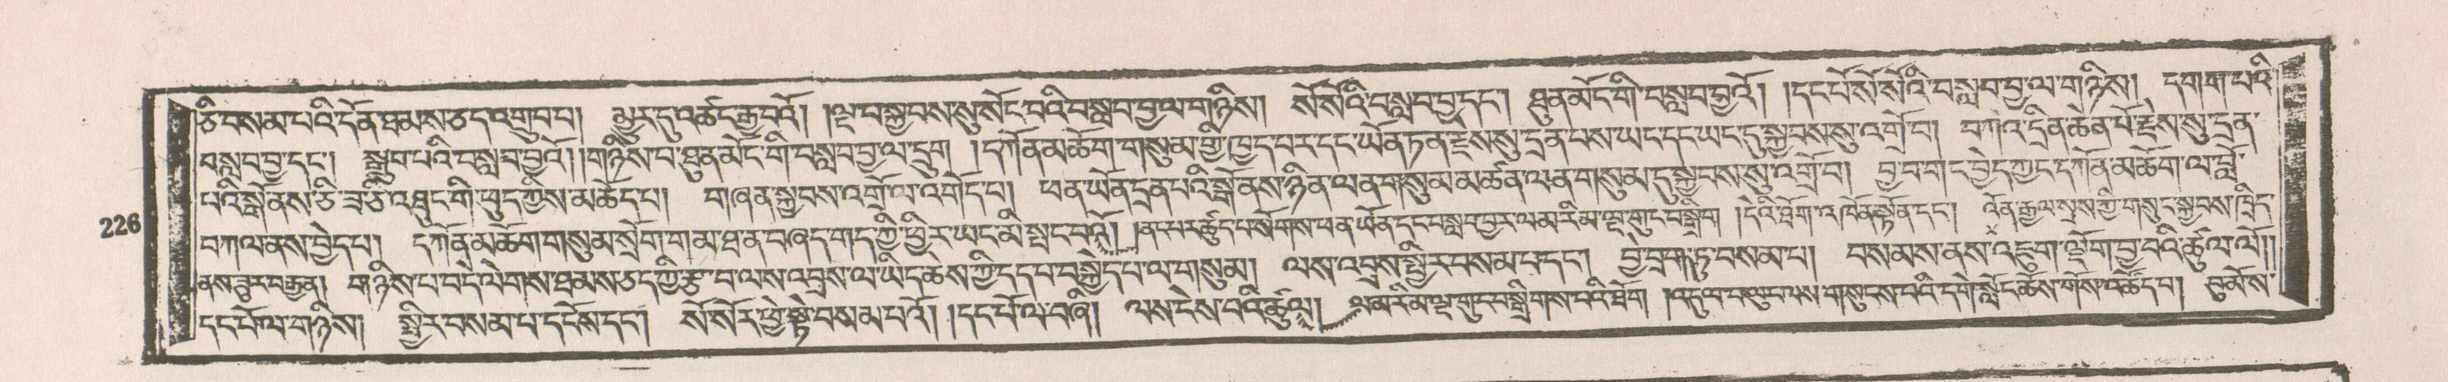ཅི་བསམ་པའི་དོན་ཐམས་ཅད་འགྲུབ་པ། མྱུར་དུ་འཚང་རྒྱ་བའོ། །ལྔ་པ་སྐྱབས་སུ་སོང་བའི་བསླབ་བྱ་ལ་གཉིས། སོ་སོའི་བསླབ་བྱ་དང་། ཐུན་མོང་གི་བསླབ་བྱའོ། །དང་པོ་སོ་སོའི་བསླབ་བྱ་ལ་གཉིས། དགག་པའི་
བསླབ་བྱ་དང་། སྒྲུབ་པའི་བསླབ་བྱའོ། །གཉིས་པ་ཐུན་མོང་གི་བསླབ་བྱ་ལ་དྲུག །དཀོན་མཆོག་གསུམ་གྱི་ཁྱད་པར་དང་ཡོན་ཏན་རྗེས་སུ་དྲན་པས་ཡང་དང་ཡང་དུ་སྐྱབས་སུ་འགྲོ་བ། བཀའ་དྲིན་ཆེན་པོ་རྗེས་སུ་དྲན་
པའི་སྒོ་ནས་ཅི་ཟ་ཅི་འཐུང་གི་ཕུད་ཀྱིས་མཆོད་པ། གཞན་སྐྱབས་འགྲོ་ལ་འགོད་པ། ཕན་ཡོན་དྲན་པའི་སྒོ་ནས་ཉིན་ལན་གསུམ་མཚན་ལན་གསུམ་དུ་སྐྱབས་སུ་འགྲོ་བ། བྱ་བ་གང་བྱེད་ཀྱང་དཀོན་མཆོག་ལ་བློ་
བཀལ་ནས་བྱེད་པ། དཀོན་མཆོག་གསུམ་སྲོག་གམ་ཐ་ན་བཞད་གད་ཀྱི་ཕྱིར་ཡང་མི་སྤང་བའོ། ། ནང་པར་ཚུད་པ་སོགས་ཕན་ཡོན་དང་བསླབ་བཡར་ལམ་རིམ་ལྔ་གུང་བསྒྲིག །དེའི་ཐོག་འཁོན་སྟོན་དང་། འོན་རྒྱལ་སྲས་ཀྱི་གསུང་སྐྱབས་ཁྲིད
ནས་ཟུར་བརྒྱན།  གཉིས་པ་བདེ་ལེགས་ཐམས་ཅད་ཀྱི་རྩ་བ་ལས་འབྲས་ལ་ཡིད་ཆེས་ཀྱི་དད་པ་བསྐྱེད་པ་ལ་གསུམ། ལས་འབྲས་སྤྱིར་བསམ་པ་དང་། བྱེ་བྲག་ཏུ་བསམ་པ། བསམས་ནས་འཇུག་ལྡོག་བྱ་བའི་ཚུལ་ལོ། །
དང་པོ་ལ་གཉིས། སྤྱིར་བསམ་པ་དངོས་དང་། སོ་སོར་ཕྱེ་སྟེ་བསམ་པའོ། །དང་པོ་ལ་བཞི། ལས་ངེས་པའི་ཚུལ། ལམ་རིམ་ལྔ་གུང་བསྒྲིགས་པའི་ཐོག །འདུལ་བ་ལུང་ལས་གསུངས་པའི་དགེ་སློང་ཆོས་གོས་འཚོད་པ། བུ་མོ་ས